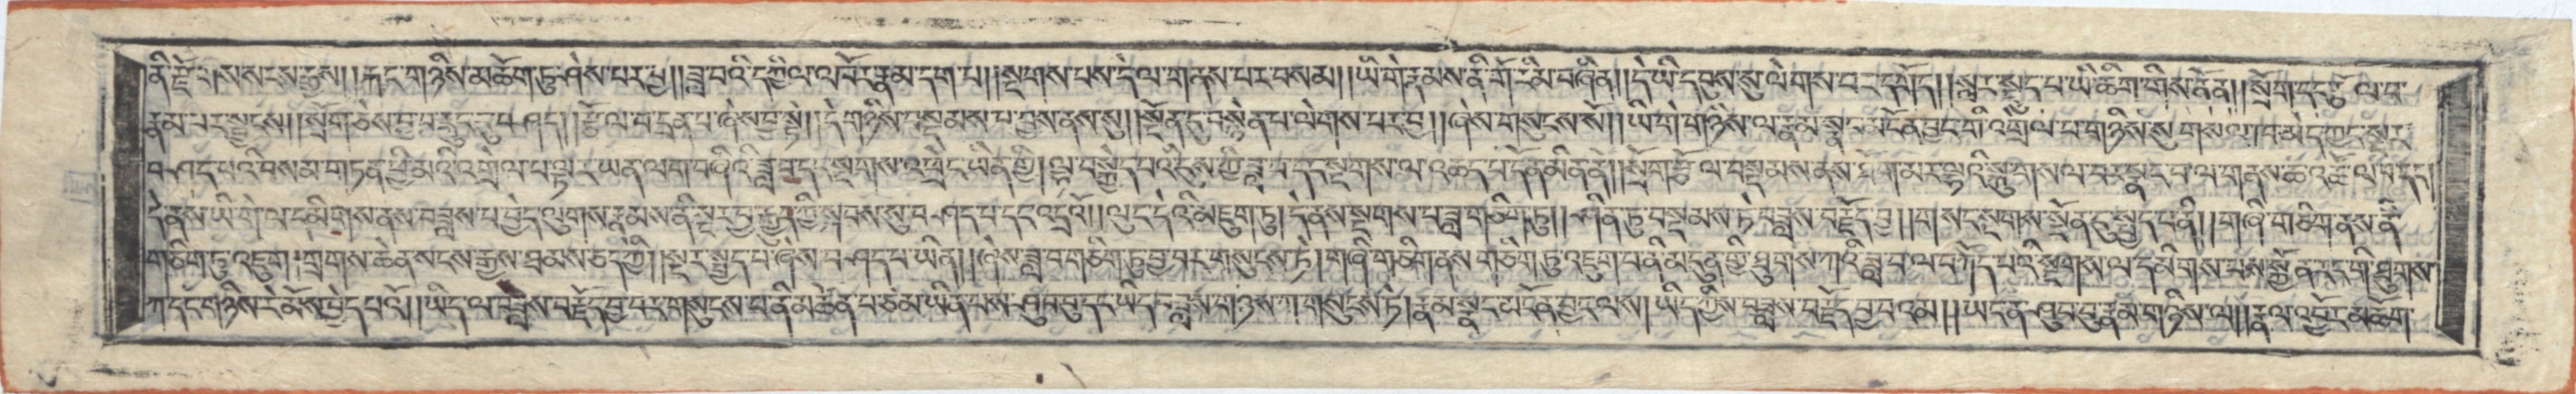ནི་རྫོགས་སངས་རྒྱས། །རྐང་གཉིས་མཆོག་ཏུ་ཤེས་པར་བྱ། །ཟླ་བའི་དཀྱིལ་འཁོར་རྣམ་དག་པ། །སྔགས་པས་དེ་ལ་གནས་པར་བསམ། །ཡི་གེ་རྣམས་ནི་གོ་རིམ་བཞིན། །དེ་ཡི་དབུས་སུ་ལེགས་པར་དགོད། །སླར་སྡུད་པ་ཡི་ཚིག་གིས་ནོན། །སྲོག་དང་རྩོལ་བ་
རྣམ་པར་སྦྱངས། །སྤོག་ཅེས་བྱ་བ་རླུང་དུ་བཤད། །རྩོལ་བ་དྲན་པ་ཞེས་བྱ་སྟེ། །དེ་གཉིས་བསྡམས་པ་བྱས་ནས་སུ། །སྔོན་དུ་བསྙེན་པ་ལེགས་པར་བྱ། །ཞེས་གསུངས་སོ། །ཡི་གེ་གཉིས་ལ་རྣམ་སྣང་མངོན་བྱང་གི་འགྲེལ་པ་གཉིས་སུ་གསལ་ཁ་མེད་ཀྱང་སྔར་
བཤད་པའི་བསམ་གཏན་ཕྱི་མའི་འགྲེལ་པ་ལྟར་ཡན་ལག་བཞིའི་ཟླ་བ་དང་སྔགས་འཕྲེང་ཡིན་གྱི། ལྷ་བསྐྱེད་པའི་དུས་ཀྱི་ཟླ་བ་དང་སྔགས་ལ་འཆད་པ་དོན་མིན་ནོ། །སྲོག་རྩོལ་བསྡམས་ནས་ཐོག་མར་ལྷའི་སྐུ་གསལ་བར་སྣང་བ་ལ་གནས་ཆ་འཚོལ་བ་དང་།
དེ་ནས་ཡི་གེ་ལ་དམིགས་ནས་བཟླས་པ་བྱེད་ལུགས་རྣམས་ནི་སྔར་བྱ་རྒྱུད་ཀྱི་སྐབས་སུ་བཤད་པ་དང་འདྲའོ། །ལུང་དེའི་མཇུག་ཏུ། དེ་ནས་སྔགས་པ་ཟླ་གཅིག་ཏུ། །ཤིན་ཏུ་བསྡམས་ཏེ་བཟླས་བརྗོད་བྱ། །གསང་སྔགས་སྔོན་དུ་སྤྱད་པ་ནི། །གཞི་གཅིག་ནས་ནི་
གཅིག་ཏུ་འཇུག །གྲགས་ཆེན་སངས་རྒྱས་ཐམས་ཅད་ཀྱི། །སྔར་སྤྱད་པ་ཞེས་བཤད་པ་ཡིན། །ཞེས་ཟླ་བ་གཅིག་ཏུ་བྱ་བར་གསུངས་ཏེ། གཞི་གཅིག་ནས་གཅིག་ཏུ་འཇུག་པ་ནི་མདུན་གྱི་ཐུགས་ཀའི་ཟླ་བ་ལ་བཀོད་པའི་སྔགས་ལ་དམིགས་པས་སྐྱོན་རང་གི་ཐུགས་
ཀ་དང་གཉིས་རེ་མོས་བྱེད་པའོ། །ཡིད་ལ་བཟླས་བརྗོད་བྱ་བར་གསུངས་པ་ནི་མཚོན་པ་ཙམ་ཡིན་པས་ཤུབ་བུ་དང་ཡིད་བཟླས་གཉིས་ཀ་གསུངས་ཏེ། རྣམ་སྣང་མངོན་བྱང་ལས། ཡིད་ཀྱིས་བཟླས་བརྗོད་བྱ་བའམ། །ཡང་ན་ཤུབ་བུ་རྣམ་གཉིས་ལ། །རྣལ་འབྱོར་མཆོག་